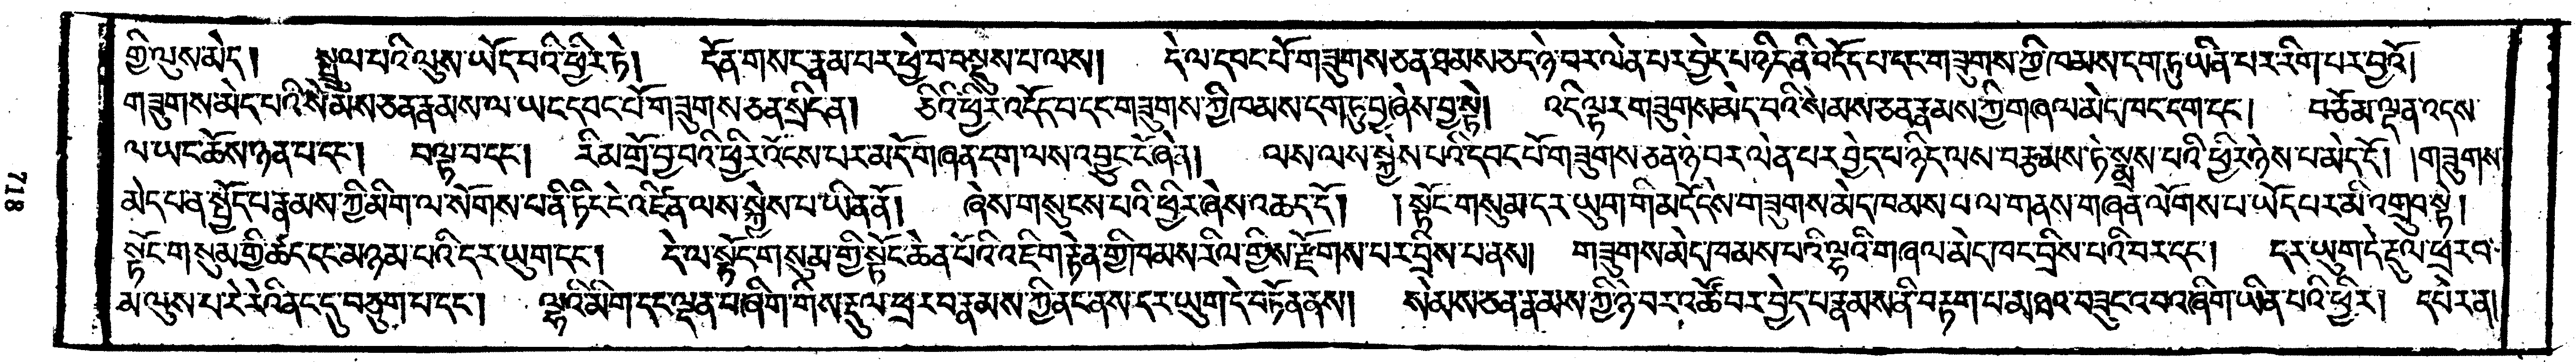གྱི་ལུས་མེད། སྤྲུལ་པའི་ལུས་ཡོད་པའི་ཕྱིར་ཏེ། དོན་གསང་རྣམ་པར་ཕྱེ་བ་བསྡུས་པ་ལས། དེ་ལ་དབང་པོ་གཟུགས་ཅན་ཐམས་ཅད་ཉེ་བར་ལེན་པར་བྱེད་པ་ཉིད་ནི་འདོད་པ་དང་གཟུགས་ཀྱི་ཁམས་དག་ཏུ་ཡིན་པར་རིག་པར་བྱའོ།
གཟུགས་མེད་པའི་སེམས་ཅན་རྣམས་ལ་ཡང་དབང་པོ་གཟུགས་ཅན་སྲིང་ན། ཅིའི་ཕྱིར་འདོད་པ་དང་གཟུགས་ཀྱི་ཁམས་དག་ཏུ་བྱ་ཞེས་བྱ་སྟེ། འདི་ལྟར་གཟུགས་མེད་པའི་སེམས་ཅན་རྣམས་ཀྱི་གཞལ་མེད་ཁང་དག་དང་། བཅོམ་ལྡན་འདས་
ལ་ཡང་ཆོས་ཉན་པ་དང་། བལྟ་བ་དང་། རིམ་གྲོ་བྱ་བའི་ཕྱིར་འོངས་པར་མདོ་གཞན་དག་ལས་འབྱུང་ངོ་ཞེ་ན། ལས་ལས་སྐྱེས་པའི་དབང་པོ་གཟུགས་ཅན་ཉེ་བར་ལེན་པར་བྱེད་པ་ཉིད་ལས་བརྩམས་ཏེ་སྨྲས་པའི་ཕྱིར་ཉེས་པ་མེད་དོ། །གཟུགས་
མེད་པ་ན་སྤྱོད་པ་རྣམས་ཀྱི་མིག་ལ་སོགས་པ་ནི་ཏིང་ངེ་འཛིན་ལས་སྐྱེས་པ་ཡིན་ནོ། ཞེས་གསུངས་པའི་ཕྱིར་ཞེས་འཆད་དོ། །སྟོང་གསུམ་དར་ཡུག་གི་མདོ་ངེས་གཟུགས་མེད་ཁམས་པ་ལ་གནས་གཞན་ལོགས་པ་ཡོད་པར་མི་འགྲུབ་སྟེ།
སྟོང་གསུམ་གྱི་ཚད་དང་མཉམ་པའི་དར་ཡུག་དང་། དེ་ལ་སྟོང་གསུམ་གྱི་སྟོང་ཆེན་པོའི་འཇིག་རྟེན་གྱི་ཁམས་རིལ་གྱིས་རྫོགས་པར་བྲིས་པ་ནས། གཟུགས་མེད་ཁམས་པའི་ལྷའི་གཞལ་མེད་ཁང་བྲིས་པའི་བར་དང་། དར་ཡུག་དེ་རྡུལ་ཕྲ་རབ་
མ་ལུས་པ་རེ་རེའི་ནང་དུ་བཅུག་པ་དང་། ལྷའི་མིག་དང་ལྡན་པ་ཞིག་གིས་རྡུལ་ཕྲ་རབ་རྣམས་ཀྱི་ནང་ནས་དར་ཡུག་དེ་བཏོན་ནས། སེམས་ཅན་རྣམས་ཀྱི་ཉེ་བར་འཚོ་བར་བྱེད་པ་རྣམས་ནི་བརྟག་པ་མཐའ་གཟུགས་འབའ་ཞིག་ཡིན་པའི་ཕྱིར། དཔེར་ན།